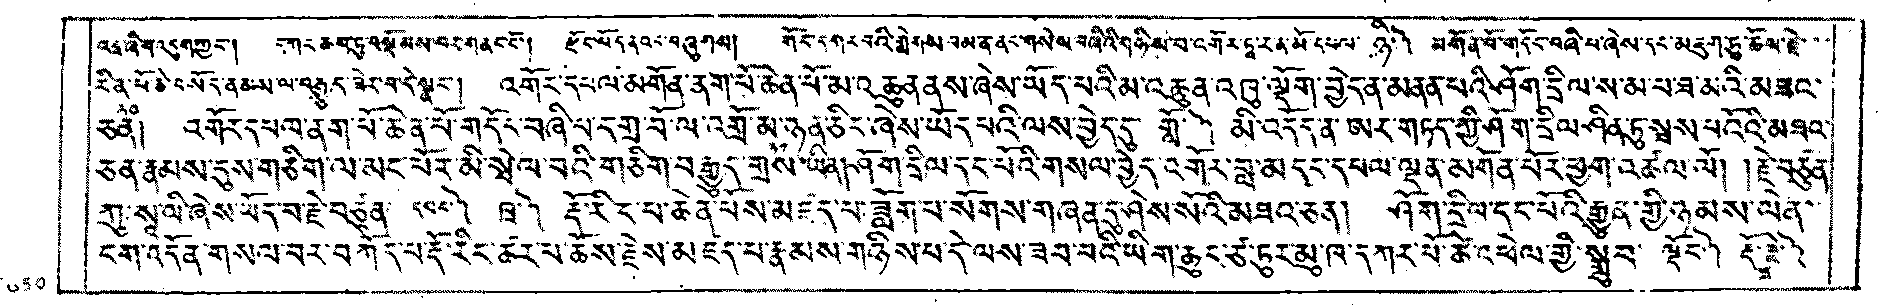འདྲ་ཞིག་འདུག་ཀྱང་། དཀར་ཆག་ཏུ་བསྡོམས་པར་གནང་ངོ། རྫོང་པོད་ནའང་བཞུགས། གོང་དཀར་བའི་གླེགས་བམ་ན་ནང་གསེས་བཞིའི་གཉིས་པ་འགོར་ཏཱ་ར་ན་མོ་དཔལ་ཉ྄ི་མགོན་པོ་གདོང་བཞི་པ་ཞེས་དང་མཇུག་ཏུ་ཆོས་རྗེ་
རིན་པོ་ཆེ་བསོད་ནམས་ལ་བརྒྱུད་ཟེར་བ་དེ་སྣང་། འགོར་དཔལ་མགོན་ནག་པོ་ཆེན་པོ་མ་འཆུན་ནས་ཞེས་ཡོད་པའི་མ་འཆུན་འཁུ་ལྡོག་བྱེད་ན་མནན་པའི་ཤོག་དྲིལ་ས་མ་པ་ཐ་མའི་མཐའ་
ཅན ༢༠། འགོར་དཔལ་ནག་པོ་ཆེན་པོ་གདོང་བཞི་པ་དགྲ་བོ་ལ་འགྲོ་མ་ཉན་ཅིང་ཞེས་ཡོད་པའི་ལས་བྱེད་དུ་གླ྄ོ་མི་འདོད་ན་ཨར་གཏད་ཀྱི་ཤོག་དྲིལ་ཤིན་ཏུ་སྦས་པའོའི་མཐའ་
ཅན་རྣམས་དུས་གཅིག་ལ་མང་པོར་མི་སྤེལ་བའི་གཅིག་བརྒྱུད་གྲས ༢༡་ཡིན། ཤོག་དྲིལ་དང་པོའི་གསལ་བྱེད་འགོར་བླ་མ་དང་དཔལ་ལྡན་མགོན་པོར་ཕྱག་འཚལ་ལོ། །རྗེ་བཙུན་
ཀུ་སཱ་ལི་ཞེས་ཡོད་པ་རྗེ་བཙུན་དབང་ཁྲ྄་རྡོ་རིང་པ་ཆེན་པོས་མཛད་པ་ཟློག་པ་སོགས་གཞན་དུ་ཤེས་སོའི་མཐའ་ཅན། ཤོག་དྲིལ་དང་པོའི་རྒྱུན་གྱི་ཉམས་ལེན་
ངག་འདོན་གསལ་བར་བཀོད་པ་རྡོ་རིང་ཚར་པ་ཆོས་རྗེས་མཛད་པ་རྣམས་གཉིས་པ་དེ་ལས་ཟབ་པའི་ཡིག་ཆུང་ཙ་ཏུར་མུ་ཁ་དཀར་པོ་ཚེ་འཕེལ་གྱི་སྒྲུབ་ལྡོང྄་རྡོ་~྾་རྗ྄ེ